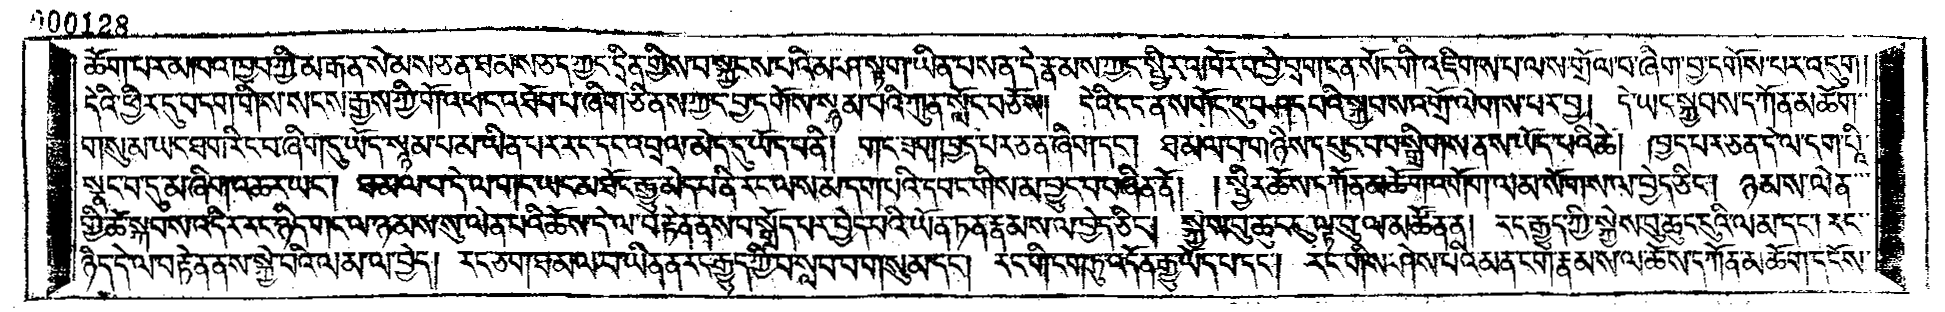ཆོག་པར་མཁའ་ཁྱབ་ཀྱི་མ་རྒན་སེམས་ཅན་ཐམས་ཅད་ཀྱང་དྲིན་གྱིས་བསྐྱངས་པའི་མ་ཤ་སྟག་ཡིན་པས་ན་དེ་རྣམས་ཀྱང་སྤྱིར་འཁོར་བ་བྱེ་བྲག་ངན་སོང་གི་འཇིགས་པ་ལས་གྲོལ་བ་ཞིག་བྱ་དགོས་པར་འདུག །
དེའི་ཕྱིར་དུ་བདག་གིས་སངས་རྒྱས་ཀྱི་གོ་འཕང་འཐོབ་པ་ཞིག་ཅི་ནས་ཀྱང་བྱ་དགོས་སྙམ་པའི་ཀུན་སློང་བཅོས། དེའི་ངང་ནས་གོང་དུ་བཤད་པའི་སྐྱབས་འགྲོ་ལེགས་པར་བྱ། དེ་ཡང་སྐྱབས་དཀོན་མཆོག་
གསུམ་ཡང་ཐག་རིང་བ་ཞིག་དུ་ཡོད་སྙམ་པ་མ་ཡིན་པར་རང་དང་འབྲལ་མེད་དུ་ཡོད་པ་ནི། གང་ཟག་ཁྱད་པར་ཅན་ཞིག་དང་། ཐ་མལ་བ་གཉིས་དཔུང་བ་བསྒྲིགས་ནས་ཡོད་པའི་ཚེ། ཁྱད་པར་ཅན་དེ་ལ་དག་པའི་
སྣང་བ་དུ་མ་ཞིག་འཆར་ཡང་། ཐ་མལ་བ་དེ་ལ་གང་ཡང་མཐོང་རྒྱུ་མེད་པ་ནི་རང་ལས་མ་དག་པའི་དབང་གིས་མ་བྱུང་བ་བཞིན་ནོ། །སྤྱིར་ཆོས་དཀོན་མཆོག་འགོག་ལམ་སོགས་ལ་བྱེད་ཅིང་། ཉམས་ལེན་
གྱི་ཚེ་སྐབས་འདིར་རང་ཉིད་གང་ལ་ཉམས་སུ་ལེན་པའི་ཆོས་དེ་ལ་བརྟེན་ནས་བསྒྲོད་པར་བྱེད་པའི་ཡོན་ཏན་རྣམས་ལ་བྱེད་ཅིང་། སྐྱེས་བུ་ཆུང་ངུ་ལྟ་བུ་ལ་མཚོན་ན། རང་རྒྱུད་ཀྱི་སྐྱེས་བུ་ཆུང་ངུའི་ལམ་དང་། རང་
ཉིད་དེ་ལ་བརྟེན་ནས་སྐྱེ་བའི་ལམ་ལ་བྱེད། རང་ཅག་ཐ་མལ་བ་ཡིན་ན་རང་རྒྱུད་ཀྱི་བསླབ་པ་གསུམ་དང་། རང་གི་ངག་ཏུ་འདོན་རྒྱུ་ཡོད་པ་དང་། རང་གིས་ཤེས་པའི་མན་ངག་རྣམས་ལ་ཆོས་དཀོན་མཆོག་དངོས་